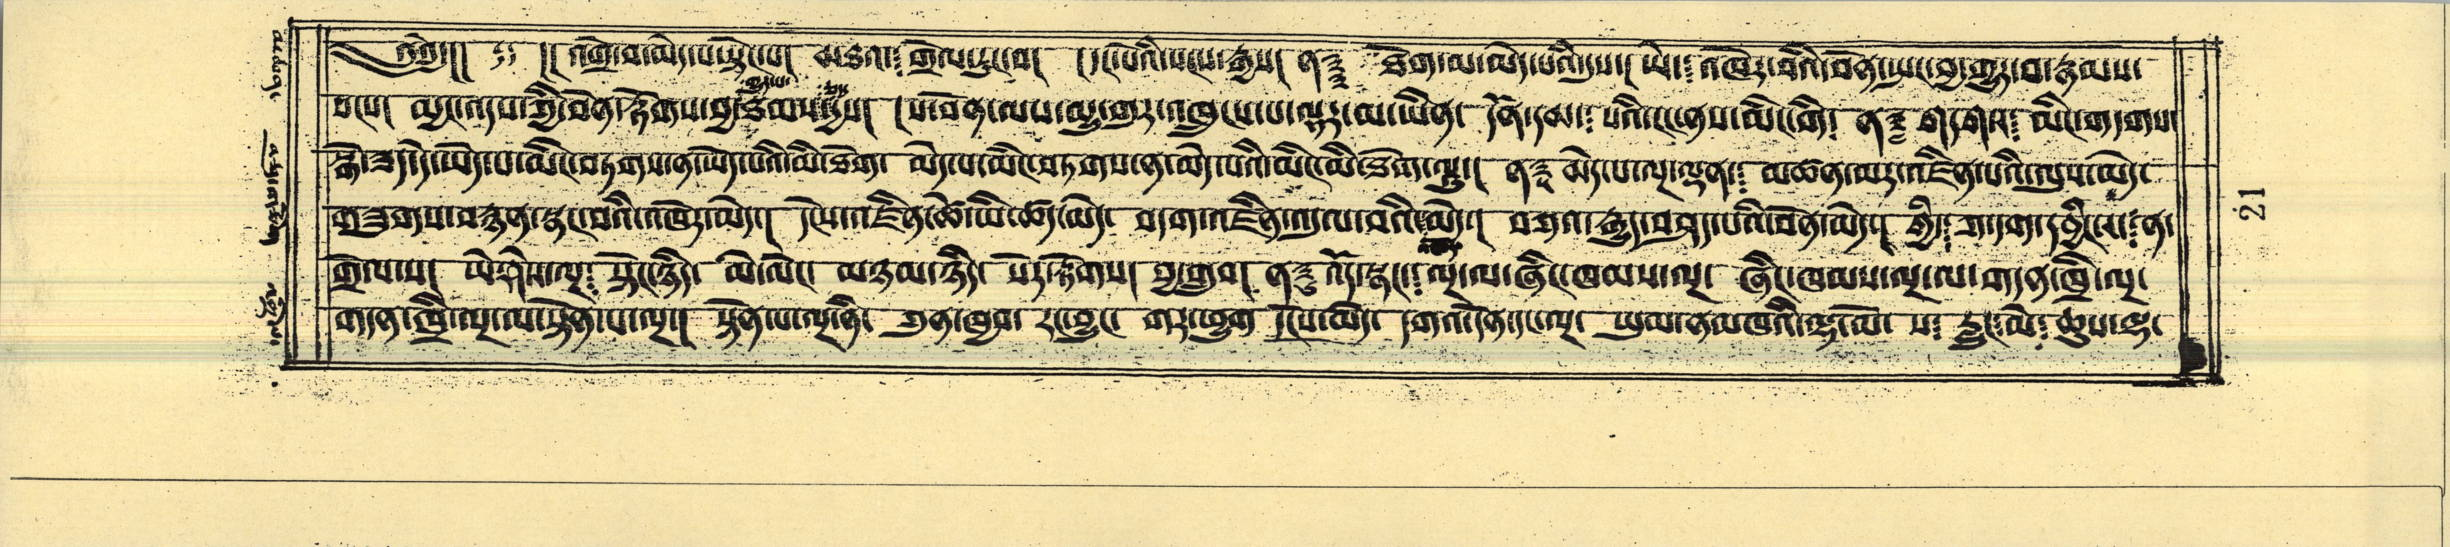འགྲོ་བ་མེད་པ་སྟོང་པ། མཐའ༑ གྲོལ་རུང་བ་དང་པོའི་སངས་རྒྱས། ན༣།༣ ཐོག་མ་མེད་པའི་དུས། ཡེ༑ འཁོར་བའི་བོན་སྤང་བྱར་གྱུར་པ་རྣམས་
སངས། མྱང་འདས་ཀྱི་བོན་རྟོགས་བྱར་གྱུར་པ་ཐམས་ཅད་རྒྱས། ས་བོན་ལས་མྱུ་གུ་འཁྲུངས་པ་ལྟར་མ་ཡིན། དོན་དམ༑ པའི་ངང་ནས་མིང་གི ན༣།༤ གདགས༑ མིང་གདགས་
སྒོ་ཟད་དེ་ཡོད་པ་མིང་བཏགས་ན་ཡོད་ཡོད་པའི་མི་ཐོགས། མེད་པ་མིང་བཏགས་ན་མེད་པའི་མིང་མི་ཐོགས་ལྟ་བུ། ན༣།༥ མེད་པ་ལྔ་ལྡན༑ མཚན་མར་འཛིན་པའི་ལུས་མེད། 
གཟུགས་བརྙན་སྣང་བའི་འཁོར་མེད། དངོས་འཛིན་ཚེ་ཡི་ཚད་མེད། བདག་འཛིན་འདུལ་བའི་འཁོར་མེད། བཀའ་བརྒྱུད་བཤད་པའི་བོན་མེད། གྱི༑ ཀ་དག་དབྱིངས༑ ན་
གྲོལ་ས། ཡེ་ཤེས་ལྔ༑ སྟོང་ཉིད་མེ་ལོང་མཉམ་ཉིད་སོར་རྟོགས་བྱ་གྲུབ་ན༣།༦ འོད་སྣང༑ ཞིང་ཁམས་ལྔ། ཞིང་ཁམས་ལྔ་གདན་ཁྲི་ལྔ། 
གདན་ཁྲི་ལྔ་ལ་སྟོན་པ་ལྔ། སྟོན་པ་ལྔ་ནི། ཀུན་ཁྱབ་རང་བྱུང་གར་ཕྱུག་དངོས་མེད་དགའ་དོན་དང་ལྔ་ཡུམ་ནམ་མཁའི་ལྷ་མོ། ས་རླུང་མེ་ཆུས་ལྷ་